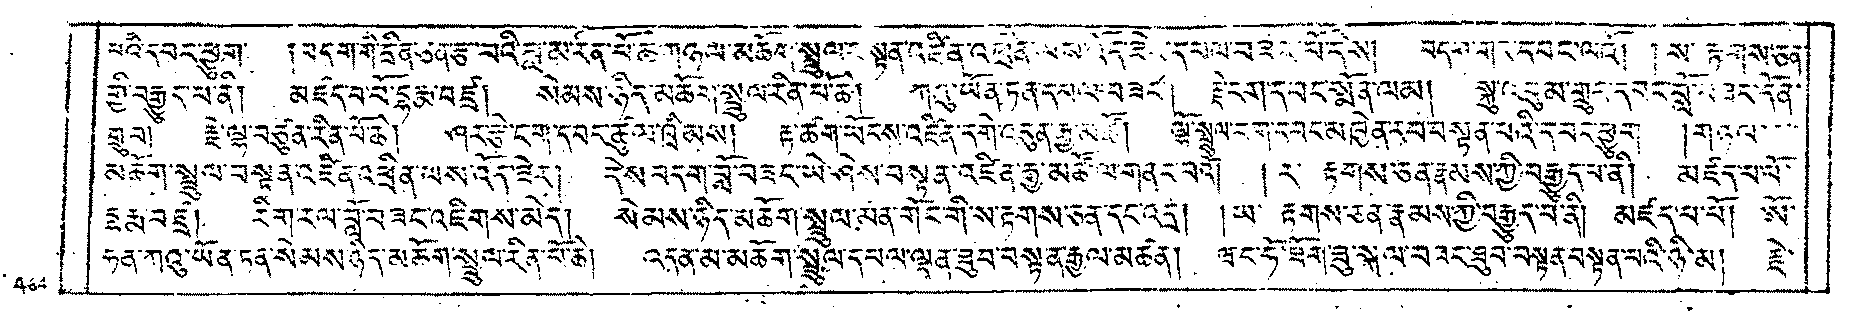པའི་དབང་ཕྱུག །བདག་གི་དྲིན་ཅན་རྩ་བའི་བླ་མ་རིན་པོ་ཆེ་གཉལ་མཆོག་སྤྲུལ་བསྟན་འཛིན་འཕྲིན་ལས་འོད་ཟེར་དཔལ་བཟང་པོ་དེས། བདག་གར་དབང་ལའོ། །ས་རྟགས་ཅན་
གྱི་བརྒྱུད་པ་ནི། མཛད་པ་པོ་དྷརྨ་བཛྲ། སེམས་ཉིད་མཆོག་སྤྲུལ་རིན་པོ་ཆེ། ཀའུ་ཡོན་ཏན་དཔལ་བཟང་། རྗེ་ངག་དབང་སྨོན་ལམ། སྐུ་འབུམ་གྲུབ་དབང་བློ་བཟང་དོན་
གྲུབ། རྗེ་ལྷ་བཙུན་རིན་པོ་ཆེ། ཤར་རྩེ་ངག་དབང་ཚུལ་ཁྲིམས། རྟ་ཚག་ཡོངས་འཛིན་དགེ་འདུན་རྒྱ་མཚོ། ལྷོ་སྤྲུལ་ངག་དབང་མཁྱེན་རབ་བསྟན་པའི་དབང་ཕྱུག །གཉལ་
མཆོག་སྤྲུལ་བསྟན་འཛིན་འཕྲིན་ལས་འོད་ཟེར། དེས་བདག་བློ་བཟང་ཡེ་ཤེས་བསྟན་འཛིན་རྒྱ་མཚོ་ལ་གནང་བའོ། །ར་རྟགས་ཅན་རྣམས་ཀྱི་བརྒྱུད་པ་ནི། མཛད་པ་པོ་
དྷརྨ་བཛྲ། རིག་རལ་བློ་བཟང་འཇིགས་མེད། སེམས་ཉིད་མཆོག་སྤྲུལ་མན་གོང་གི་ས་རྟགས་ཅན་དང་འདྲ། །ཡ་རྟགས་ཅན་རྣམས་ཀྱི་བརྒྱུད་པ་ནི། མཛད་པ་པོ། ཨ་
ཧན་ཀའུ་ཡོན་ཏན་སེམས་ཉིད་མཆོག་སྤྲུལ་རིན་པོ་ཆེ། འདན་མ་མཆོག་སྤྲུལ་དཔལ་ལྡན་ཐུབ་བསྟན་རྒྱལ་མཚན། ཝང་ཧོ་ཐོག་ཐུ་སྐལ་བཟང་ཐུབ་བསྟན་བསྟན་པའི་ཉི་མ། རྗེ་